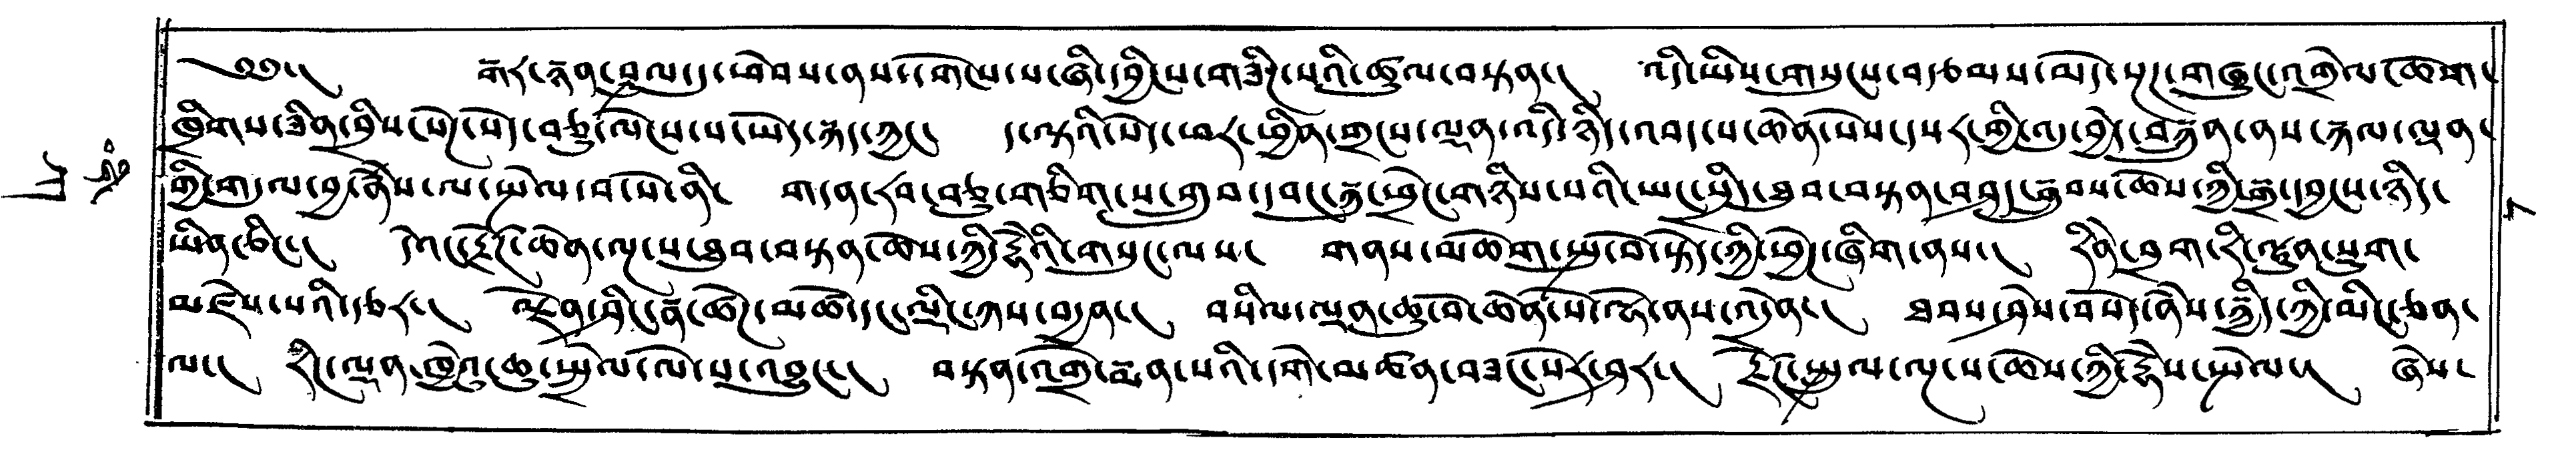སྒར་སྙན་ཤུལ་དུ་ཕེབས་ནས་དགོངས་པ་ཞི་དབྱིངས་སུ་གཟིམས་པའི་ཚུལ་བསྟན།འདི་ཡིས་གསུང་བརྩོམ་མདོ་སྔགས་གཞུང་འགྲེལ་ཆོག་
ཁྲིགས་ཟིན་བྲིས་སོགས་པོད་བཅུར་ལོངས་པ་ཡོད་སྐད་ཀྱང་། ད་ལྟའི་པོད་ཕར་ཕྱིན་གྲངས་ལྡན་འདི་ཉིད་འབད་པ་ཆེན་པོས་དཔར་གྱི་འདུ་བྱེད་དུ་བསྐྲུན་ནས་སྐལ་ལྡན་
གྱི་གདུལ་བྱ་རྣམས་ལ་སྤེལ་བ་པོ་ནི། གདན་རབས་བཅུ་གཅིག་པ་༧གྲུབ་དབང་སྐུ་ཕྲེང་གཉིས་པའི་ཡང་སྲིད་ཐུབ་བསྟན་བཤད་སྒྲུབ་ཆོས་ཀྱི་སྒྲ་དབྱངས་ཉིད་
ཡིན་ཅིང་། དེའང་རྫོགས་སྤྲུལ་ལྔ་པ་ཐུབ་བསྟན་ཆོས་ཀྱི་རྡོ་རྗེའི་ལུང་བསྟན་ལས། གནས་མཆོག་སྤུ་བོ་སྟོད་ཀྱི་ཕྱོགས་ཤིག་ན། །རིན་ཆེན་བྲག་རི་ལྷུན་སྡུག་
མཇེས་པའི་རྩར། །ལྗོན་ཤིང་སྣ་ཚོགས་མཚོ་དང་ལྡིང་ཀས་བརྒྱན། །བསིལ་ལྡན་ཆུ་བོ་ཆེན་པོ་ལྷོ་ནས་འདྲེན། །ཐབས་ཤེས་བསོད་ནམས་སྐྱིད་ཀྱི་མིང་ཅན་
ལ། །རིགས་ལྡན་ཁྱེའུ་ཆུ་སྤྲེལ་ལོ་པ་འབྱུང་། །བསྟན་འགྲོར་སྨན་པའི་དགེ་མཚན་བཟང་པོ་ཤར། །རྫོགས་སྤྲུལ་ལྔ་པ་ཆོས་ཀྱི་རྡོ་རྗེས་སྤེལ། །ཞེས་